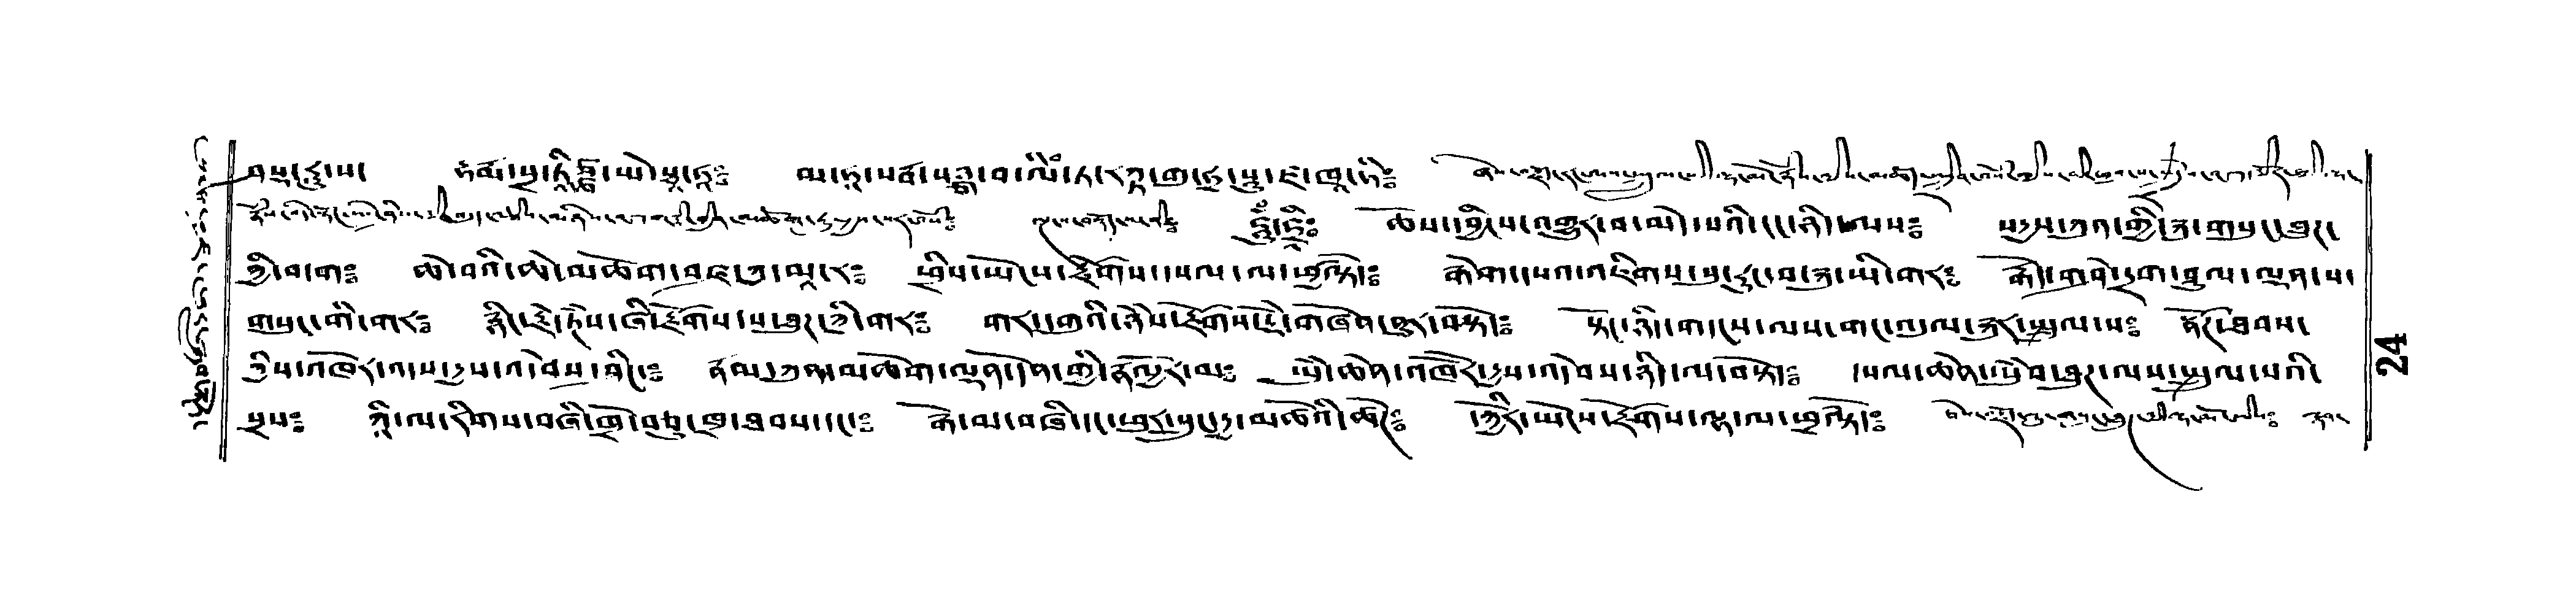ཤཔྡ་རཱུ་པ༴ དྷརྨ་པྲ་ཏཱིཙྪ་ཡེ་སྭཱ་ཧཱ༔ མ་ཧཱ་སརྦ་པཉྩ་བ་ལིཾ་ཏ་རཀྟ་གུ་ཧྱ་པཱུ་ཛ་ཁཱ་ཧིཿ ཞེས་བརྗོད་རང་ལས་སྤྲུལ་པའི་ལྷ་མོ་རྣམས་ཀྱིས་མཆོད་སྤྲིན་བསམ་གྱིས་མི་ཁྱབ་པ་སྤྲོས་ནས་དཀྱིལ་འཁོར་གྱི་ལྷ་
རྣམས་བདེ་སྟོང་ཡེ་ཤེས་ཀྱི་བདུད་རྩིས་མཉེས་ནས་གཟི་བྱིན་མཆོག་ཏུ་རྒྱས་པར་བསམ༔ ལྔ་པ་བསྟོད་པ་ནི༔ ཧཱུྃ་ཧྲཱིཿ ཆོས་དབྱིངས་འགྱུར་བ་མེད་པའི་ངང་ཉིད་ལས༔ སངས་རྒྱས་ཀུན་གྱི་སྐུ་གསུང་ཐུགས་
ཀྱི་བདག༔ ཆེ་བའི་ཆེ་མཆོག་བཛྲ་ཀུ་མཱ་ར༔ ཕྲིན་ལས་ཡོངས་རྫོགས་དཔལ་ལ་ཕྱག་འཚལ་བསྟོད༔ སྒེག་དཔའ་འཇིགས་སུ་རུང་བ་སྐུ་ཡི་གར༔ རྒོད་གཤེ་དྲག་ཤུལ་ལྡན་པ་
གསུང་གི་གར༔ སྙིང་རྗེ་རྔམས་ཞི་རྫོགས་པ་ཐུགས་ཀྱི་གར༔ གར་དགུའི་ཉམས་རྫོགས་རྡོ་རྗེ་གཞོན་ནུར་བསྟོད༔ སྟོང་ཉིད་གདངས་ལས་གང་འདུལ་སྐུར་སྤྲུལ་པ༔ སྣ་ཚོགས་ཐབས་
ཀྱིས་འཁོར་འདས་རྒྱས་འདེབས་ཤིང༔ རྣམ་ཀུན་མཆོག་ལྡན་དོན་གྱི་རྣལ་འབྱོར་མ༔ ཡུམ་ཆེན་འཁོར་ལོ་རྒྱས་འདེབས་ཉིད་ལ་བསྟོད༔ དཔལ་ཆེན་ཡབ་ཡུམ་ཐུགས་ལས་སྤྲུལ་པའི་
སྲས༔ ཀཱི་ལ་རིགས་བཞི་ཁྲོ་བཅུ་ཁྲ་ཐབས་དང༔ སྒོ་མ་བཞི་དང་ཕུར་སྲུང་རྒྱ་མཚོའི་ཚོགས༔ དཀྱིལ་འཁོར་ཡོངས་རྫོགས་ལྷ་ལ་ཕྱག་འཚལ་བསྟོད༔ ཅེས་བརྗོད་སྐུ་གསུང་ཐུགས་ཀྱི་ལྷ་མོ་ཡིས༔ སྙན་